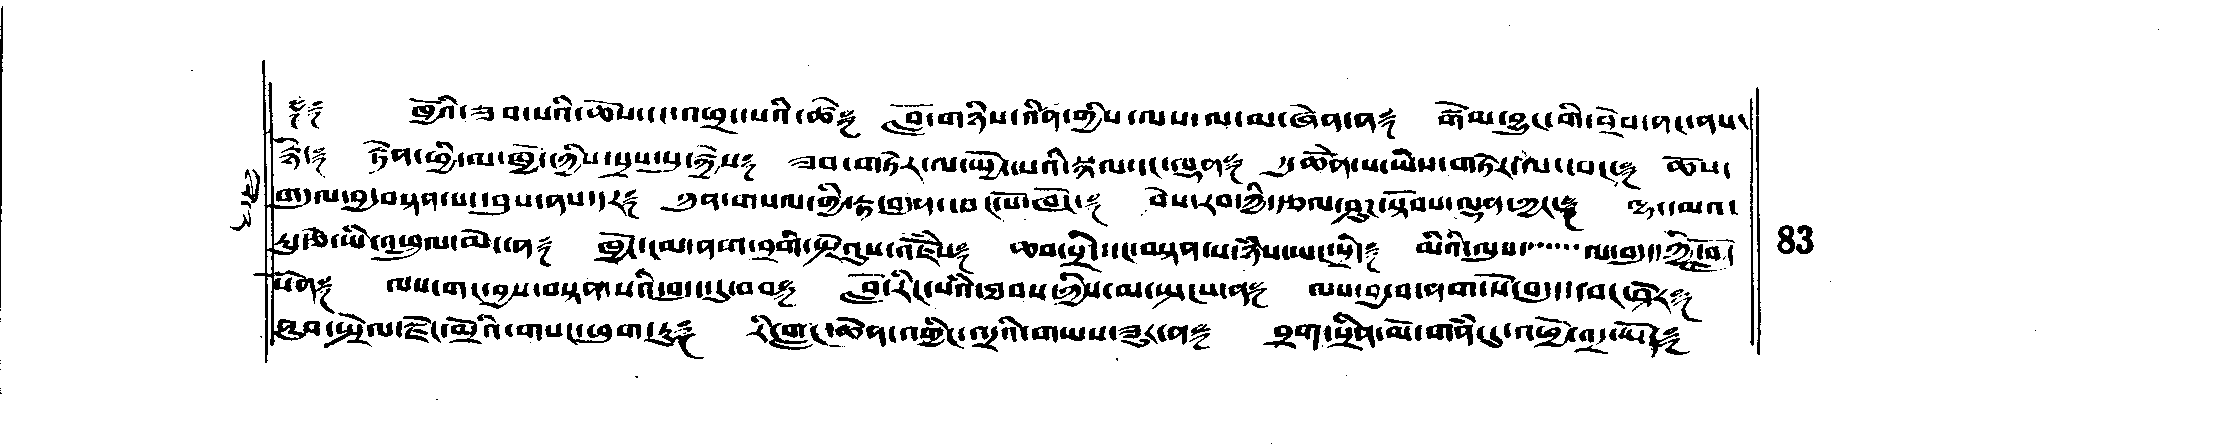ཁྱོའི་ཟབ་པའི་ཆོས་དང་འཕྲད་པའི་ཚེ། །བློ་གཉིས་འཛིན་གྱིསལས་ལ་མ་ཞེན་ན། །སྒོམ་བྱུང་གི་ཤེས་རབ་ནང་ནས་
རྙེད། །རྟེན་ཕྱི་ལ་ཁྱོད་ཀྱི་སྲས་སུ་སྐྱེས། །ཟབ་གཏེར་ལ་སྤྱོད་པའི་སྐལ་དང་ལྡན། །རྒྱ་ཆེན་པོ་ས་ཡིས་གཏེར་ལ་དབང་། །ཆོས་
གདུལ་བྱ་བསྟན་པ་དབུས་ནས་དར། །ཀུན་གསལ་གྱི་རྟ་བདུན་དབང་པོ་ཁོང་། །ཤེས་རབ་ཀྱི་རྩལ་ཤུགས་སྟོབས་ལྡན་ཀྱང་། །ལྷ་དམའ་
རུ་རྩེ་ཡི་འཕྲུལ་མེད་ན། །ཁྱོད་ངམ་ནག་བྲག་གི་སྤྲེའུས་འཇོམས། །ཆབ་སྲིད་དང་བསྟན་པ་ཉམས་ཡང་སྲིད། །མིའི་ལུས་ལ་བདུད་ཀྱི་བློ་
སེམས་ཅན། །ལས་གང་བྱས་བསྟན་པའི་བདུད་དུ་བབ། །བློ་རིགས་པའི་ཐབས་ཀྱིས་མ་སྤངས་ན། །ལས་བྱ་བ་ནག་པོ་བདུད་དབང་ཤོར། །
ནུབ་སྤྲེལ་ལྗོངས་མཁའ་འགྲོ་གསང་ཕུག་ཏུ། །རི་གླང་ཆེན་འགྱིང་འདྲའི་གཡས་ཟུར་ན། །བྲག་སྲིན་མོ་གནམ་དུ་འཕྱོ་འདྲ་ཡོད།